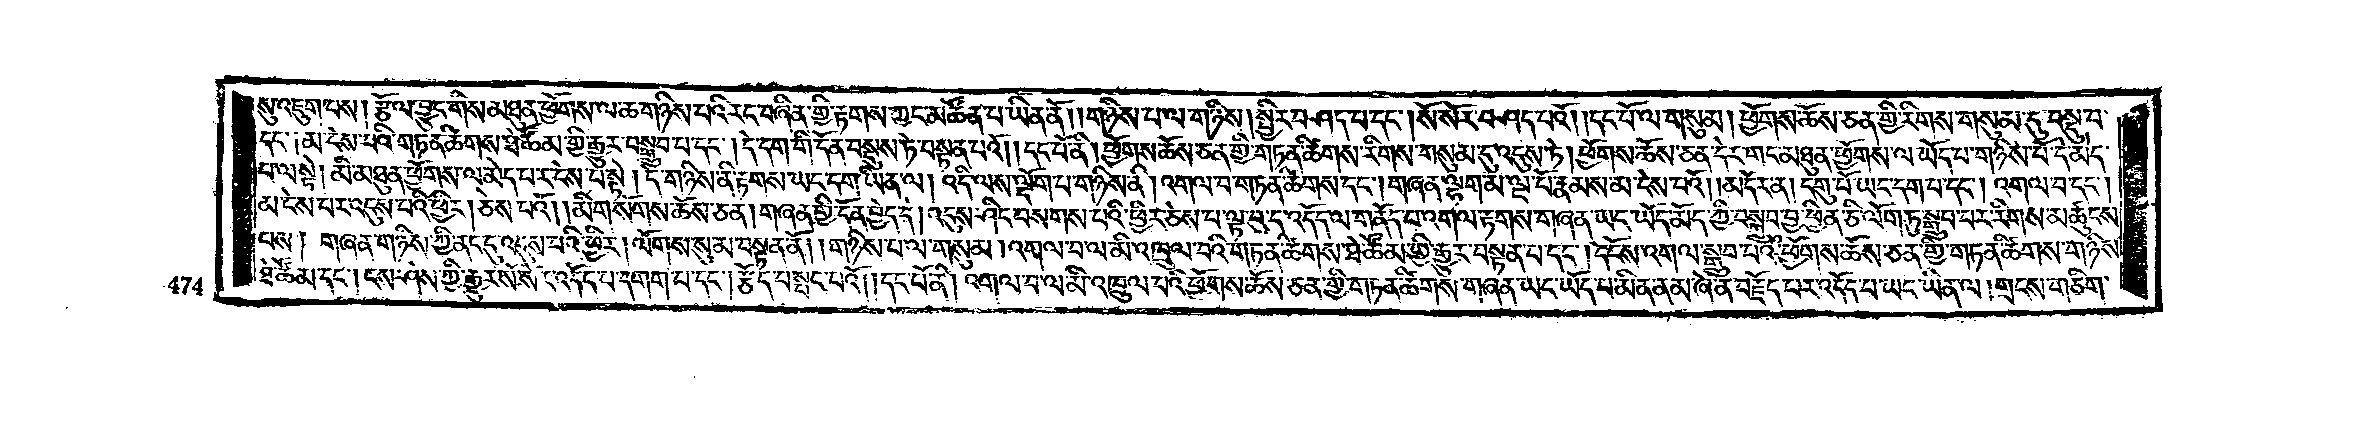སུ་འཇུག་པས། རྩོལ་བྱུང་གིས་མཐུན་ཕྱོགས་ལ་ཆ་གཉིས་པའི་རང་བཞིན་གྱི་རྟགས་ཀྱང་མཚོན་པ་ཡིན་ནོ། །གཉིས་པ་ལ་གཉིས། སྤྱིར་བཤད་པ་དང་། སོ་སོར་བཤད་པའོ། །དང་པོ་ལ་གསུམ། ཕྱོགས་ཆོས་ཅན་གྱི་རིགས་གསུམ་དུ་བསྡུ་བ་
དང༑ མ་ངེས་པའི་གཏན་ཚིགས་ཐེ་ཚོམ་གྱི་རྒྱུར་བསྒྲུབ་པ་དང་། དེ་དག་གི་དོན་བསྡུས་ཏེ་བསྟན་པའོ། །དང་པོ་ནི། ཕྱོགས་ཆོས་ཅན་གྱི་གཏན་ཚིགས་རིགས་གསུམ་དུ་འདུས་ཏེ། ཕྱོགས་ཆོས་ཅན་དེར་གང་མཐུན་ཕྱོགས་ལ་ཡོད་པ་གཉིས་པོ་དེ་མེད་
པ་ལ་སྟེ། མི་མཐུན་ཕྱོགས་ལ་མེད་པར་ངེས་པ་སྟེ། དེ་གཉིས་ནི་རྟགས་ཡང་དག་ཡིན་ལ། འདི་ལས་ལྡོག་པ་གཉིས་ནི། འགལ་བ་གཏན་ཚིགས་དང་། གཞན་ལྷག་མ་ལྔ་པོ་རྣམ་མ་ངེས་པའོ། །མདོར་ན། དགུ་པོ་ཡང་དག་པ་དང་། འགལ་བ་དང་།
མ་ངེས་པར་འདུས་པའི་ཕྱིར། ཅེས་པའོ། །མིག་སོགས་ཆོས་ཅན། གཞན་གྱི་དོན་བྱེད་དེ། འདུས་ཤིང་བསགས་པའི་ཕྱིར་ཅེས་པ་ལྟ་བུ་ད་འདོད་ལ་གནོད་པ་འགལ་རྟགས་གཞན་ཡང་ཡོད་མོད་ཀྱི་བསྒྲུབ་བྱ་ཕྱིན་ཅི་ལོག་ཏུ་སྒྲུབ་པར་རིགས་མཚུངས་
པས༑ གཞན་གཉིས་ཀྱི་ནང་དུ་འདུས་པའི་ཕྱིར། ལོགས་སུམ་བསྟན་ནོ། །གཉིས་པ་ལ་གསུམ། འགལ་བ་ལ་མི་འཁྲུལ་པའི་གཏན་ཚིགས་ཐེ་ཚོམ་གྱི་རྒྱུར་བསྟན་པ་དང་། དངོས་འགལ་སྒྲུབ་པའི་ཕྱོགས་ཆོས་ཅན་གྱི་གཏན་ཚིགས་གཉིས་
ཐེ་ཚོམ་དང་། ངེས་ཤེས་ཀྱི་རྒྱུར་སོ་སོར་འདོད་པ་དགག་པ་དང་། རྩོད་པ་སྤང་བའོ། །དང་པོ་ནི། འགལ་བ་ལ་མི་འཁྲུལ་པའི་ཕྱོགས་ཆོས་ཅན་གྱི་གཏན་ཚིགས་གཞན་ཡང་ཡོད་པ་མིན་ནམ་ཞེ་ན་བརྗོད་པར་འདོད་པ་ཡང་ཡིན་ལ། གྲངས་གཅིག་